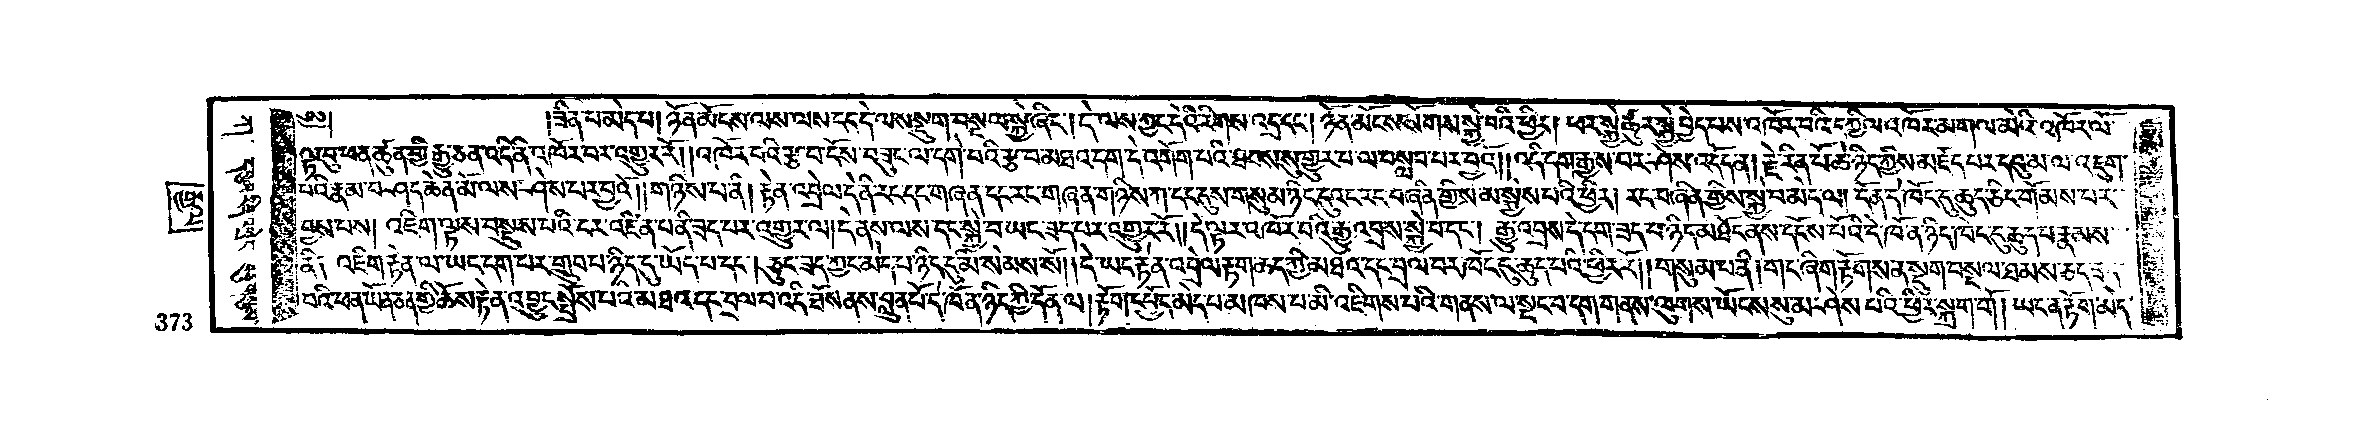༄༅། །ཟིན་པ་མེད་པ། ཉོན་མོངས་ལས་ལས་དང་དེ་ལས་སྡུག་བསྔལ་སྐྱེ་ཞིང་། དེ་ལས་ཀྱང་དེའི་རིགས་འདྲ་དང་། ཉོན་མོངས་སོགས་སྐྱེ་བའི་ཕྱིར། ཕར་སྐྱེ་ཚུར་སྐྱེ་བྱེད་པས་འཁོར་བའི་དཀྱིལ་འཁོར་མགལ་མེའི་འཁོར་ལོ་
ལྟ་བུ་ཕན་ཚུན་གྱི་རྒྱུ་ཅན་འདི་ནི་འཁོར་བར་འགྱུར་རོ། །འཁོར་བའི་རྩ་བ་ངོས་བཟུང་ལ་དགེ་བའི་རྩ་བ་མཐའ་དག་དེ་འགོག་པའི་ཐབས་སུ་གྱུར་པ་ལ་བསླབ་པར་བྱའོ། །འདི་དག་རྒྱས་པར་ཤེས་འདོད་ན། རྗེ་རིན་པོ་ཆེ་ཉིད་ཀྱིས་མཛད་པར་དབུ་མ་ལ་འཇུག་
པའི་རྣམ་བཤད་ཆེན་མོ་ལས་ཤེས་པར་བྱའོ། །གཉིས་པ་ནི། རྟེན་འབྲེལ་དེ་ནི་རང་དང་གཞན་དང་རང་བཞན་གཉིས་ཀ་དང་དུས་གསུམ་ཉིད་དུའང་རང་བཞིན་གྱིས་མ་སྐྱེས་པའི་ཕྱིར། རང་བཞིན་གྱིས་སྐྱེ་བ་མེད་ལ། དོན་དེ་ཁོང་དུ་ཆུད་ཅིང་གོམས་པར་
བྱས་པས། འཇིག་ལྟས་བསྡུས་པའི་ངར་འཛིན་པ་ནི་ཟད་པར་འགྱུར་ལ། དེ་ནས་ལས་དང་སྐྱེ་བ་ཡང་ཟད་པར་འགྱུར་རོ། །དེ་ལྟར་འཁོར་བའི་རྒྱུ་འབྲས་སྐྱེ་བ་དང་། རྒྱུ་འབྲས་དེ་དག་ཟད་པ་ཉིད་མཐོང་ནས་དངོས་པོའི་དེ་ཁོ་ན་ཉིད་ཁོང་དུ་ཆུད་པ་རྣམས་
ནི། འཇིག་རྟེན་ལ་ཡང་དག་པར་གྲུབ་པ་ཉིད་དུ་ཡོད་པ་དང་། ཅུང་ཟད་ཀྱང་མེད་པ་ཉིད་དུ་མི་སེམས་སོ། །དེ་ཡང་རྟེན་འབྲེལ་རྟག་ཆད་ཀྱི་མཐའ་དང་བྲལ་བར་ཁོང་དུ་ཆུད་པའི་ཕྱིར་རོ། །གསུམ་པ་ནི། གང་ཞིག་རྟོགས་ནས་སྡུག་བསྔལ་ཐམས་ཅད་ཟད་
པའི་ཕན་ཡོན་ཅན་གྱི་ཆོས་རྟེན་འབྱུང་སྤྲོས་པའི་མཐའ་དང་བྲལ་བ་འདི་ཐོས་ནས་བླུན་པོ་དེ་ཁོ་ན་ཉིད་ཀྱི་དོན་ལ། རྟོག་དཔྱོད་མེད་པ་མཁས་པ་མི་འཇིགས་པའི་གནས་ལ་སྡང་བ་དག་གནས་ལུགས་ཡོངས་སུ་མ་ཤེས་པའི་ཕྱིར་སྐྲག་གོ །ཡང་ན་རྟོག་མེད་